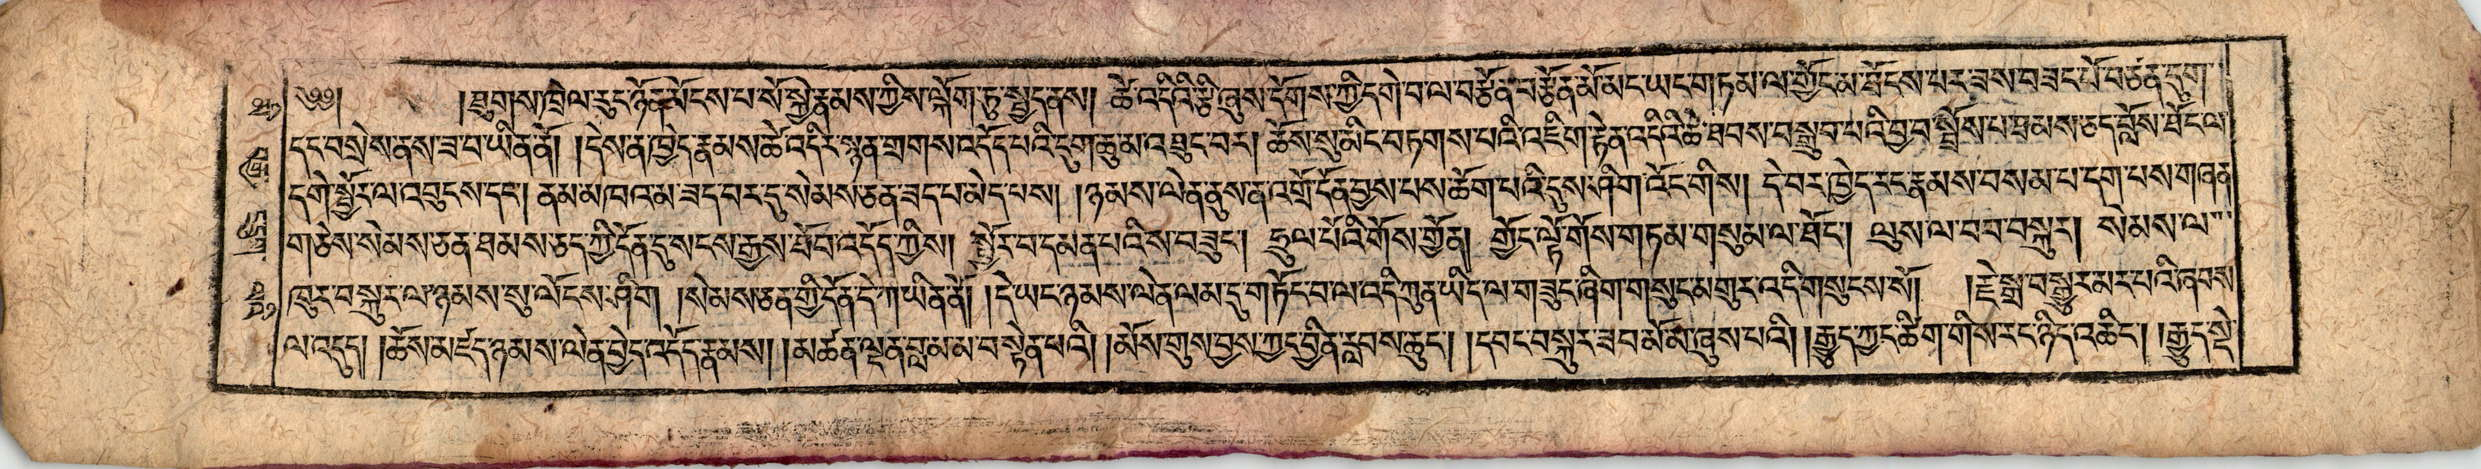ཐུགས་ཁྲེལ་རུང་ཉོན་མོངས་པ་སོ་སྐྱེ་རྣམས་ཀྱིས་ལྐོག་ཏུ་སྤྱད་ནས། ཚེ་འདིའི་རྩི་ཞུས་དོགས་ཀྱི་དགེ་བ་ལ་བཙོན་བརྩོན་མོ་མང་ཡང་གཏམ་ལ་གྱོང་མ་ཐོངས་པར་ཟས་བཟང་པོ་བཙན་དུག་
དང་བསྲེས་ནས་ཟ་བ་ཡིན་ནོ། །དེས་ན་ཁྱེད་རྣམས་ཚེ་འདིར་སྙན་གྲགས་འདོད་པའི་དུག་ཆུ་མ་འཐུང་བར། ཆོས་སུ་མིང་བཏགས་པའི་འཇིག་རྟེན་འདིའི་ཆེ་ཐབས་བསྒྲུབ་པའི་བྱ་བ་སྤྲོས་པ་ཐམས་ཅད་བློས་ཐོངས་ལ་
དགེ་སྦྱོར་ལ་འབུངས་དང་། ནམ་མཁའ་མ་ཟད་བར་དུ་སེམས་ཅན་ཟད་པ་མེད་པས། །ཉམས་ལེན་ནས་ན་འགྲོ་དོན་བྱས་པས་ཆོག་པའི་དུས་ཤིག་འོང་གིས། དེ་བར་ཁྱེད་རང་རྣམས་བསམ་པ་དག་པས་གཞན་
གཅེས་སེམས་ཅན་ཐམས་ཅད་ཀྱི་དོན་དུ་སངས་རྒྱས་ཐོབ་འདོད་ཀྱིས། སྤྱོར་བ་དམན་པའི་ས་བཟུང་། ཧྲུལ་པོའི་གོས་གྱོན། གྱོང་ལྟོ་གོས་གཏམ་གསུམ་ལ་ཐོང་། ལུས་ལ་བབ་བསྐུར། སེམས་ལ་
ཁུར་བསྐུར་ལ་ཉམས་སུ་ལོངས་ཤིག །སེམས་ཅན་གྱི་དོན་དེ་ཀ་ཡིན་ནོ། །དེ་ཡང་ཉམས་ལེན་ལམ་དུ་གཏོང་བ་ལ་འདི་ཀུན་ཡིད་ལ་གཟུང་ཞིག་གསུང་མགུར་འདི་གསུངས་སོ། །རྗེ་སྒྲ་བསྒྱུར་མར་པའི་ཞབས་
ལ་འདུད། །ཆོས་མཛད་ཉམས་ལེན་བྱེད་འདོད་རྣམས། །མཚན་ལྡན་བླ་མ་མ་བསྟེན་པའི། །མོས་གུས་བྱས་ཀྱང་བྱིན་རླབས་ཆུང་། །དབང་བསྐུར་ཟབ་མོ་མ་ཞུས་པའི། །རྒྱུད་ཀྱང་ཚིག་གིས་རང་ཉིད་འཆིང་། །རྒྱུད་སྡེ་